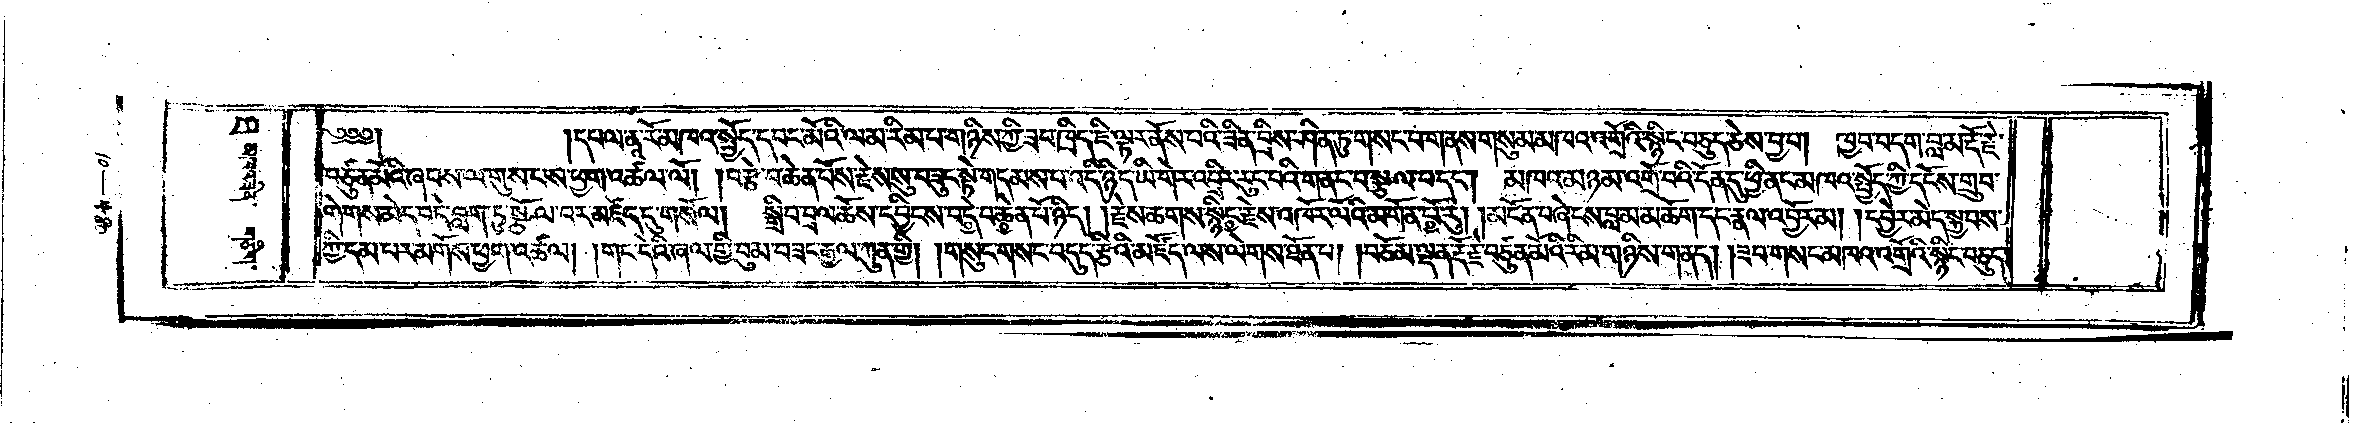༄༅༅། །དཔལ་ནཱ་རོ་མཁའ་སྤྱོད་དབང་མོའི་ལམ་རིམ་པ་གཉིས་ཀྱི་ཟབ་ཁྲིད་ཇི་ལྟར་ནོས་པའི་ཟིན་བྲིས་ཤིན་ཏུ་གསང་བ་གནས་གསུམ་མཁའ་འགྲོའི་སྙིང་བཅུད་ཅེས་བྱ་བ། ཁྱབ་བདག་བླ་མ་རྡོ་རྗེ་
བཙུན་མོའི་ཞབས་ལ་གུས་པས་ཕྱག་འཚལ་ལོ། །བརྩེ་བ་ཆེན་པོས་རྗེས་སུ་བཟུང་སྟེ་གདམས་པ་འདི་ཉིད་ཡི་གེར་འབྲིར་རུང་བའི་གནང་བསྩལ་བ་དང་། མཁའ་མཉམ་འགྲོ་བའི་དོན་དུ་ཕྱི་ནང་མཁའ་སྤྱོད་ཀྱི་དངོས་གྲུབ་
གེགས་མེད་བདེ་བླག་ཏུ་སྩོལ་བར་མཛད་དུ་གསོལ། སྒྲིབ་བྲལ་ཆོས་དབྱིངས་བདེ~྾་བ་ཆེན~྾་པོ་ཉིད། །རྗེས་ཆགས་སྙིང~྾་རྗེས་འཁོར་ལོའི་མགོན་པོ~྾་རུ། །མངོན་བཞེངས་བླ་མ་མཆོག་དང་རྣལ་འབྱོར་མ། །དབྱེར་མེད་སྐྱབས་
ཀྱི་དམ་པར་མགོས་ཕྱག་འཚལ། །གང་དེའི་ཞལ་གྱི་བུམ་བཟང་རྒྱལ་ཀུན་གྱི། །གསུང་གསང་བདུད་རྩིའི་མཛོད་ལས་ལེགས་ཐོན་པ། །བཅོམ་ལྡན་རྡོ་རྗེ་བཙུན་མོའི་རིམ་གཉིས་གནད། །ཟབ་གསང་མཁའ་འགྲོའི་སྙིང་བཅུད་